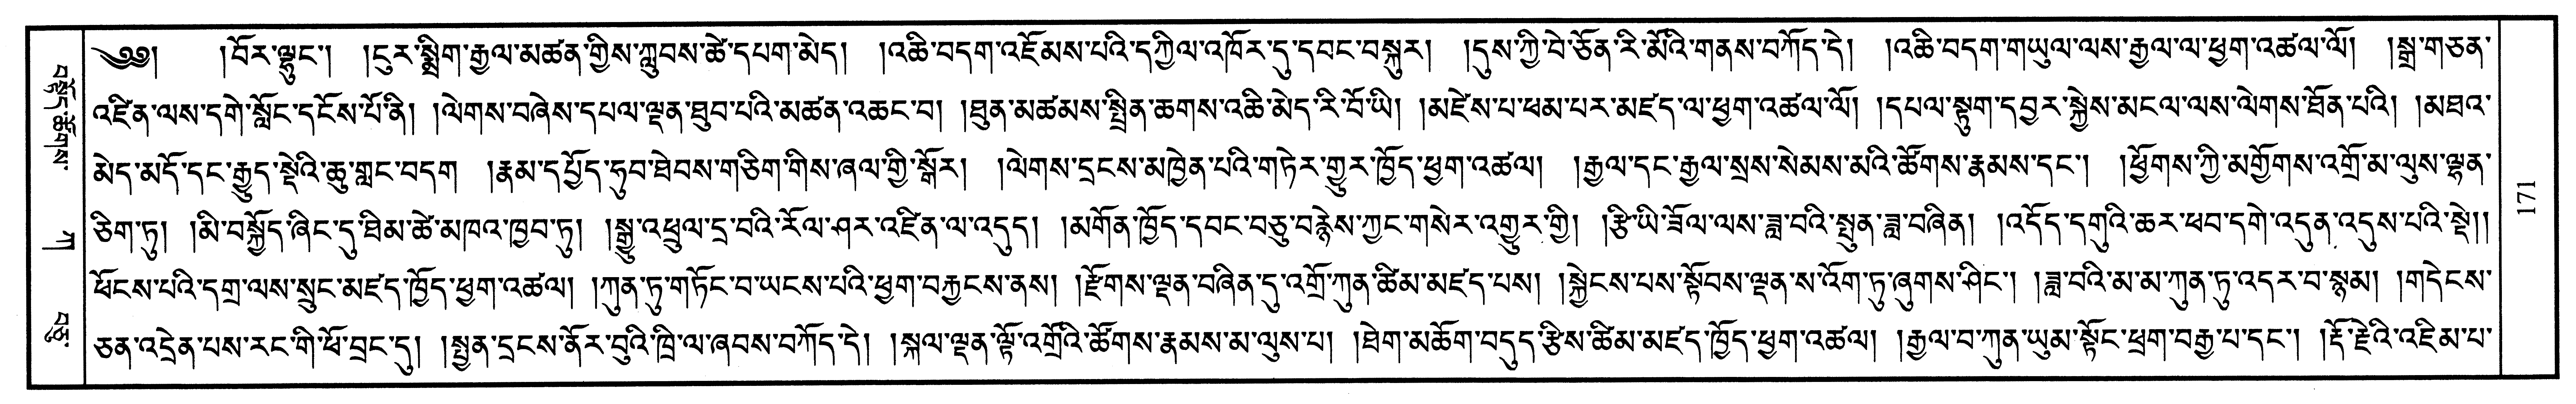༄༅། །བོར་ལྷུང་། །ངུར་སྨྲིག་རྒྱལ་མཚན་གྱིས་ཀླུབས་ཚེ་དཔག་མེད། །འཆི་བདག་འཇོམས་པའི་དཀྱིལ་འཁོར་དུ་དབང་བསྐུར། །དུས་ཀྱི་བེ་ཅོན་རི་མོའི་གནས་བཀོད་དེ། །འཆི་བདག་གཡུལ་ལས་རྒྱལ་ལ་ཕྱག་འཚལ་ལོ། །སྒྲ་གཅན་
འཛིན་ལས་དགེ་སློང་དངོས་པོ་ནི། །ལེགས་བཞེས་དཔལ་ལྡན་ཐུབ་པའི་མཚན་འཆང་བ། །ཐུན་མཚམས་སྤྲིན་ཆགས་འཆི་མེད་རི་བོ་ཡི། །མཛེས་པ་ཕམ་པར་མཛད་ལ་ཕྱག་འཚལ་ལོ། །དཔལ་སྟུག་དབྱར་སྐྱེས་མངལ་ལས་ལེགས་ཐོན་པའི། །མཐའ་
མེད་མདོ་དང་རྒྱུད་སྡེའི་ཆུ་གླང་བདག། རྣམ་དཔྱོད་ཧུབ་ཐེབས་གཅིག་གིས་ཞལ་གྱི་སྒོར། །ལེགས་དྲངས་མཁྱེན་པའི་གཏེར་གྱུར་ཁྱོད་ཕྱག་འཚལ། །རྒྱལ་དང་རྒྱལ་སྲས་སེམས་མའི་ཚོགས་རྣམས་དང་། །ཕྱོགས་ཀྱི་མགྱོགས་འགྲོ་མ་ལུས་ལྷན་
ཅིག་ཏུ། །མི་བསྐྱོད་ཞིང་དུ་ཐིམ་ཚེ་མཁའ་ཁྱབ་ཏུ། །སྒྱུ་འཕྲུལ་དྲ་བའི་རོལ་ཤར་འཛིན་ལ་འདུད། །མགོན་ཁྱོད་དབང་བཅུ་བརྙེས་ཀྱང་གསེར་འགྱུར་གྱི། །རྩི་ཡི་ཟོལ་ལས་ཟླ་བའི་སྤུན་ཟླ་བཞིན། །འདོད་དགུའི་ཆར་ཕབ་དགེ་འདུན་འདུས་པའི་སྡེ། །
ཕོངས་པའི་དགྲ་ལས་སྲུང་མཛད་ཁྱོད་ཕྱག་འཚལ། །ཀུན་ཏུ་གཏོང་བ་ཡངས་པའི་ཕྱག་བརྐྱངས་ནས། །རྫོགས་ལྡན་བཞིན་དུ་འགྲོ་ཀུན་ཚིམ་མཛད་པས། །སྐྱེངས་པས་སྟོབས་ལྡན་ས་འོག་ཏུ་ཞུགས་ཤིང་། །ཟླ་བའི་མ་མ་ཀུན་ཏུ་འདར་བ་སྙམ། །གདེངས་
ཅན་འདྲེན་པས་རང་གི་ཕོ་བྲང་དུ། །སྤྱན་དྲངས་ནོར་བུའི་ཁྲི་ལ་ཞབས་བཀོད་དེ། །སྐལ་ལྡན་ལྟོ་འགྲོའི་ཚོགས་རྣམས་མ་ལུས་པ། །ཐེག་མཆོག་བདུད་རྩིས་ཚིམ་མཛད་ཁྱོད་ཕྱག་འཚལ། །རྒྱལ་བ་ཀུན་ཡུམ་སྟོང་ཕྲག་བརྒྱ་པ་དང་། །རྡོ་རྗེའི་འཇིམ་པ་